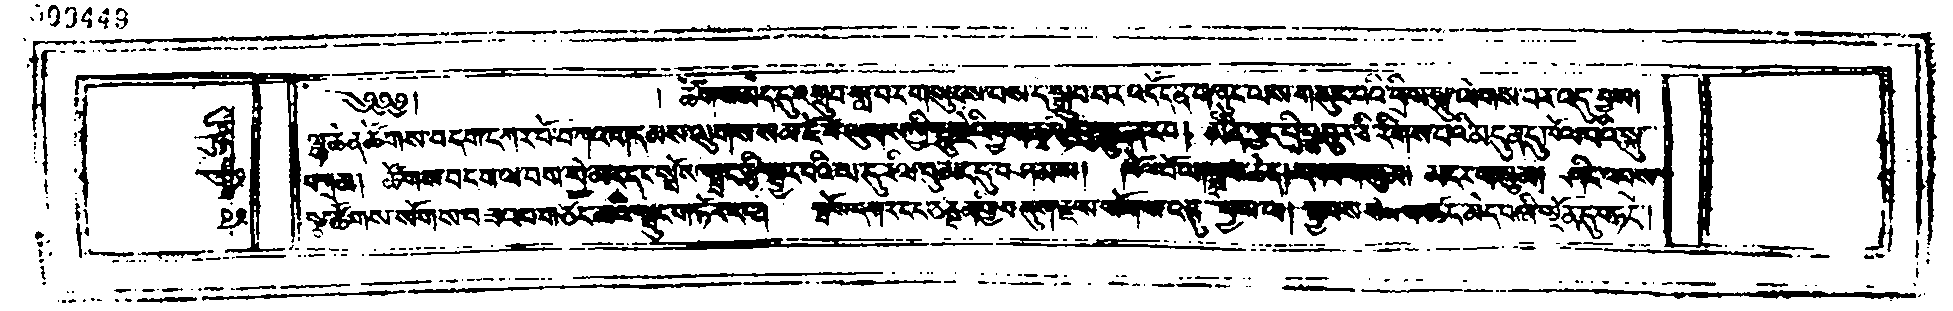༄༅༅། །ཚོགས་མེད་དུ་འགྲུབ་སླ་བར་གསུངས་པས་དེ་སྒྲུབ་པར་འདོད་ན་གཞུང་ལས་གསུང་པའི་བྲིས་སྐུ་ལེགས་པར་འདུ་བྱས།
ལྷ་ཆེན་ཚོགས་བདག་དཀར་པོ་བཀའ་གདམས་ལུགས་སམ་ཇོ་བོ་ལུགས་ཀྱི་སྐུ་རྗེའི་ཕྱག་ཚྭ་ལྟ་བུ་བྱུང་ན་རབ། མིན་ཀྱང་བྲིས་འབུར་ཅི་རིགས་པའི་མདུན་དུ་ཁོལ་བའི་སྐུ་
བཀྲམ། ཚོགས་བདག་ལ་བག་ཕྱེ་མར་དང་སྦོས་སྦྲང་རྩི་སྦྱར་བའི་ལ་དུ་རིལ་བུ་མང་དུ་བཤམས། ཁོལ་བོ་ལ། འབྲས་ཆེན། དཀར་གསུམ། མངར་གསུམ། ཤིང་འབྲས་
སྣ་ཚོགས་སོགས་བཟའ་བ་གཙང་མའི་སྦུང་གཏོར་དང་། སྤོས་དཀར་དང་ཙནྡན་གྱི་བདུག་རྫས་སོགས་འདུ་བྱས་ལ། སྐྱབས་སེམས་ཚད་མེད་བཞི་སྔོན་དུ་བཏང་།